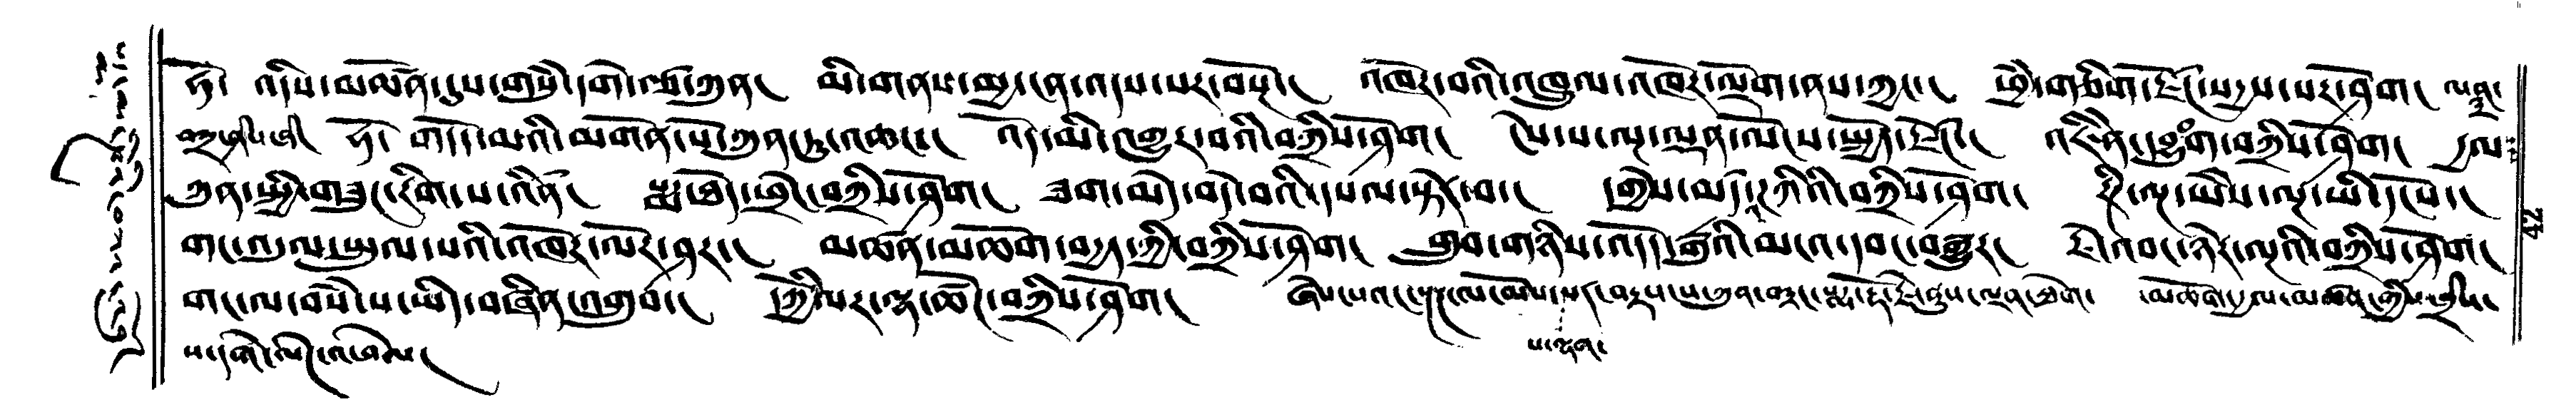ཧོཿ འདིས་མཚོན་དུས་གསུམ་དགེ་རྩ་ཀུན། །མི་གནས་མྱ་ངན་འདས་པར་བསྔོ། །འཁོར་བའི་འཁྲུལ་འཁོར་ལྡོག་ནས་ཀྱང་། །ཕྱམ་གཅིག་རྫོགས་སངས་རྒྱས་པར་ཤོག ལན་གསུམ། 
བཀྲ་ཤིས་ནི། ཧོཿ གདོད་མའི་མགོན་པོ་ཀུན་ཏུ་འཆང་། །འོད་མི་འགྱུར་བའི་བཀྲ་ཤིས་ཤོག །ངེས་པ་ལྔ་ལྡན་ལོངས་སྤྱོད་རྫོགས། །འཇིག་རྟེན་དབང་ཕྱུག་བཀྲ་ཤིས་ཤོག །རྒྱལ་
ཀུན་སྤྱི་གཟུགས་རིག་པ་འཛིན། །པདྨ་ཐོད་ཕྲེང་བཀྲ་ཤིས་ཤོག །ཟག་མེད་བདེ་བའི་དཔལ་སྟེར་བ། །དགྱེས་མཛད་ཌཱཀིའི་བཀྲ་ཤིས་ཤོག །རིགས་ལྔ་ཡེ་ཤེས་ལྔ་ཡི་དངོས། །
གང་འདུལ་སྤྲུལ་པའི་འཁོར་ལོར་ཤར། །མཚན་མཆོག་བརྒྱད་ཀྱི་བཀྲ་ཤིས་ཤོག།གྲུབ་གཉིས་འདོད་རྒུའི་མངའ་དབང་སྒྱུར། །རྗེ་འབངས་ཉེར་ལྔའི་བཀྲ་ཤིས་ཤོག །
གང་ལ་བསམ་པ་ཡིད་བཞིན་འགྲུབ། །དཀྱིལ་འཁོར་ལྷ་ཚོགས་བཀྲ་ཤིས་ཤོག ཞེས་པའང་སྔགས་ལ་མོས་པ་ལྷག་པར་བརྟས་པ་ཀུན་བཟང་པདྨ་རྡོ་རྗེ་ནུས་ལྡན་ཐེག་མཆོག་རྒྱལ་མཚན་གྱིས་བྲིས་
པ་དགེ་ལེགས་འཕེལ།། མངྒ་ལཾ།།